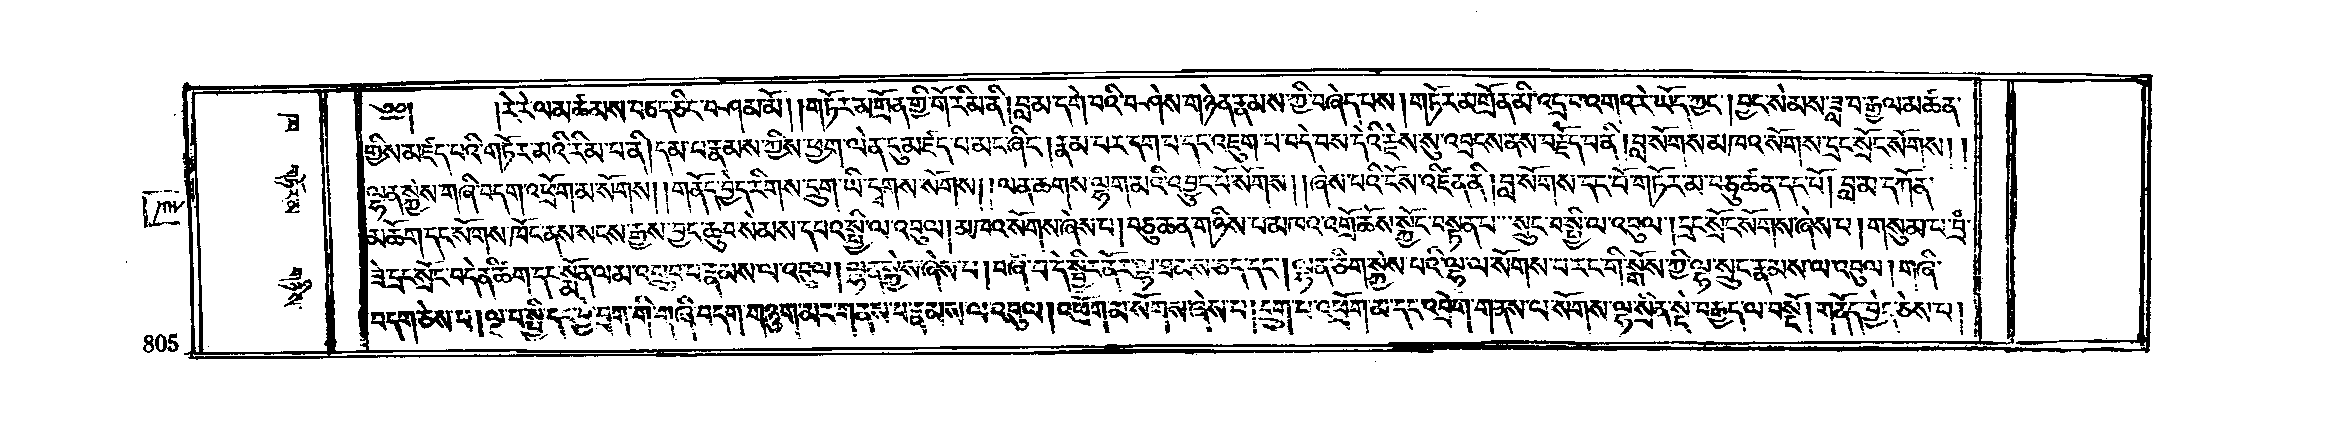༄༅། །རེ་རེ་ལ་མཚམས་བཅད་ཅིང་བཤམ་མོ། །གཏོར་མགྲོན་གྱི་གོ་རིམ་ནི། བླ་མ་དགེ་བའི་བཤེས་གཉེན་རྣམས་ཀྱི་བཞེད་པས། གཏོར་མགྲོན་མི་འདྲ་བ་འགའ་རེ་ཡོད་ཀྱང་། བྱང་སེམས་ཟླ་བ་རྒྱལ་མཚན་
གྱིས་མཛད་པའི་གཏོར་མའི་རིམ་པ་ནི། དམ་པ་རྣམས་ཀྱིས་ཕྱག་ལེན་དུ་མཛད་པ་མང་ཞིང་། རྣམ་པར་དག་པ་དང་འཇུག་པ་བདེ་བས་དེའི་རྗེས་སུ་འབྲངས་ནས་བརྗོད་པ་ནི། བླ་སོགས་མཁའ་སོགས་དྲང་སྲོང་སོགས། །
ལྷན་སྐྱེས་གཞི་བདག་འཕྲོག་མ་སོགས། །གནོད་བྱེད་རིགས་དྲུག་ཡི་དྭགས་སོགས། །ལན་ཆགས་ལྷག་མའི་འབྱུང་པོ་སོགས། །ཞེས་པའི་ངོས་འཛིན་ནི། བླ་སོགས་དང་པོ་གཏོར་མ་བཅུ་ཚན་དང་པོ། བླ་མ་དཀོན་
མཆོག་དང་སོགས་ཁོང་ནས་སངས་རྒྱས་བྱང་ཆུབ་སེམས་དཔའ་སྤྱི་ལ་འབུལ། མཁའ་སོགས་ཞེས་པ། བཅུ་ཚན་གཉིས་པ་མཁའ་འགྲོ་ཆོས་སྐྱོང་བསྟན་པ་སྲུང་བ་སྤྱི་ལ་འབུལ། དྲང་སྲོང་སོགས་ཞེས་པ། གསུམ་པ་བྲི་
ཟེ་དྲང་སྲོང་བདེན་ཚིག་དང་སྨོན་ལམ་འགྲུབ་པ་རྣམས་ལ་འབུལ། ལྷན་སྐྱེས་ཞེས་པ། བཞི་པ་དེ་སྤྱིར་ནོར་ལྷ་ཐམས་ཅད་དང་། ལྷན་ཅིག་སྐྱེས་པའི་ལྷ་ལ་སོགས་པ་རང་གི་སྒོས་ཀྱི་ལྷ་སྲུང་རྣམས་ལ་འབུལ། གཞི་
བདག་ཅེས་པ། ལྔ་པ་སྤྱི་དང་བྱེ་བྲག་གི་གཞི་བདག་གཉུག་མར་གནས་པ་རྣམས་ལ་འབུལ། འཕྲོག་མ་སོགས་ཞེས་པ། དྲུག་པ་འཕྲོག་མ་དང་འབྲོག་གནས་ལ་སོགས་ལྷ་སྲིན་སྡེ་བརྒྱད་ལ་བསྔོ། གནོད་བྱེད་ཅེས་པ།